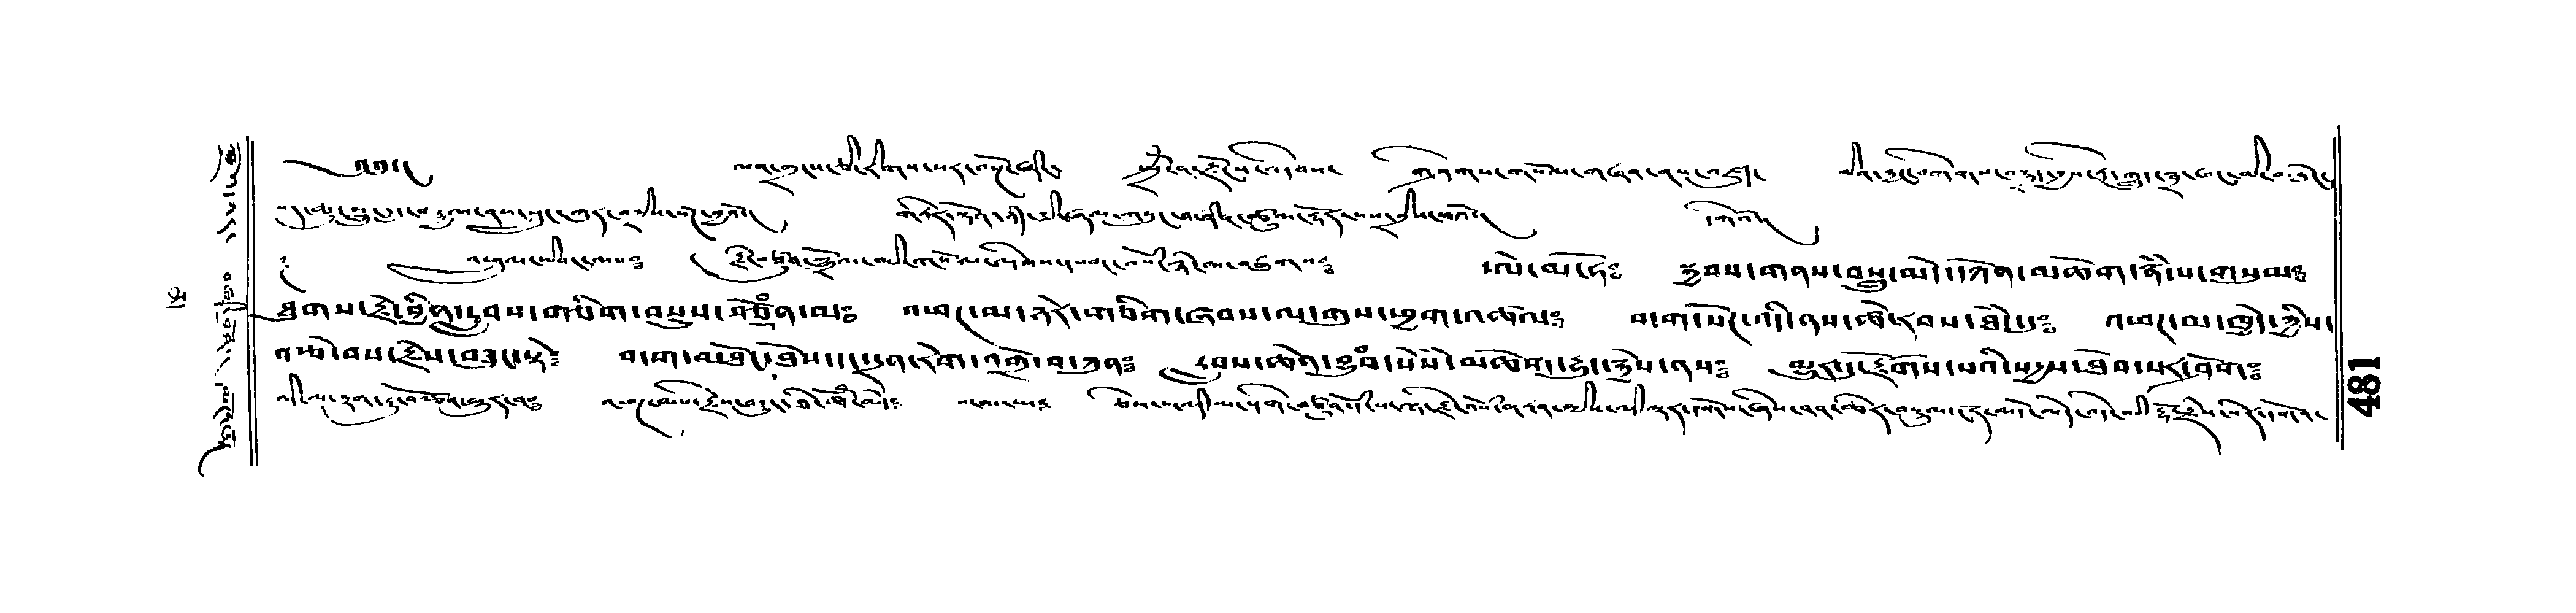ལན་གྲངས་ཅི་རིགས་པར་བསྔོ་ཞིང་། སྤྲོ་ན་རྫོངས་འདེབས། གཤེགས་གསོལ་གཞན་ནས་འཛུད། མིན་ཀྱང་བགེགས་བསྐྲད་བྱས་ཏེ་གླུད་སྦྲ་ཁང་མི་མཐོང་
སར་ཆུང་དུ་བསྐྱལ་ནས་སྲུང་གུར་བཀྲ་ཤིས་སོགས་བྱའོ།།གཏེར་སྟོན་ཉིད་ཀྱི་ཞལ་གསུང་བཞིན་ཚུལ་རྡོར་པས་བྲིས་པའོ།། དགེའོ།། 
༈ འཕྲུལ་ཡིག་ལས༔ རྗེ་བཙུན་སྒྲོལ་མའི་གསོལ་འདེབས་དཔག་བསམ་སྙེ་མ་བཞུགས༔ ཨེ་མ་ཧོཿ སྐྱབས་གནས་བསླུ་མེད་དཀོན་མཆོག་རྣམ་པ་གསུམ༔ 
ཐུགས་རྗེ་བྱིན་རླབས་གཅིག་བསྡུས་བཅོམ་ལྡན་མ༔ འཕགས་མ་ཉེར་གཅིག་ཞབས་ལ་གུས་ཕྱག་འཚལ༔ བདག་སོགས་འདི་ནས་ཚེ་རབས་ཐམས་ཅད་དུ༔ འཕགས་མ་ཁྱེད་ཀྱིས་
བརྩེ་བས་རྗེས་བཟུང་སྟེ༔ བདག་མཐོང་ཐོས་དང་དྲན་རེག་འགྲོ་བ་ཀུན༔ རླབས་ཆེན་བྱང་ཆུབ་སེམས་མཆོག་རྒྱུད་སྐྱེས་ནས༔ མྱུར་དུ་རྫོགས་པའི་སངས་རྒྱས་ཐོབ་པར་ཤོག༔ 
འདི་ལ་རྟག་ཏུ་བརྩོན་གྱུར་ན༔ འཕགས་མས་རྗེས་བཟུང་ཐེ་ཚོམ་མེད༔ ས་མ་ཡ༔ ཅེས་པ་འདི་ཡང་དགེ་བཙུན་དམ་པ་ལྷ་རྗེ་བསམ་གཏན་གྱིས་འདི་ལྟར་དགོས་ཞེས་ནན་ཆེར་བསྐུལ་ངོར་མདོ་མེད་བདེ་བའི་རྡོ་རྗེས་སེར་དགོན་